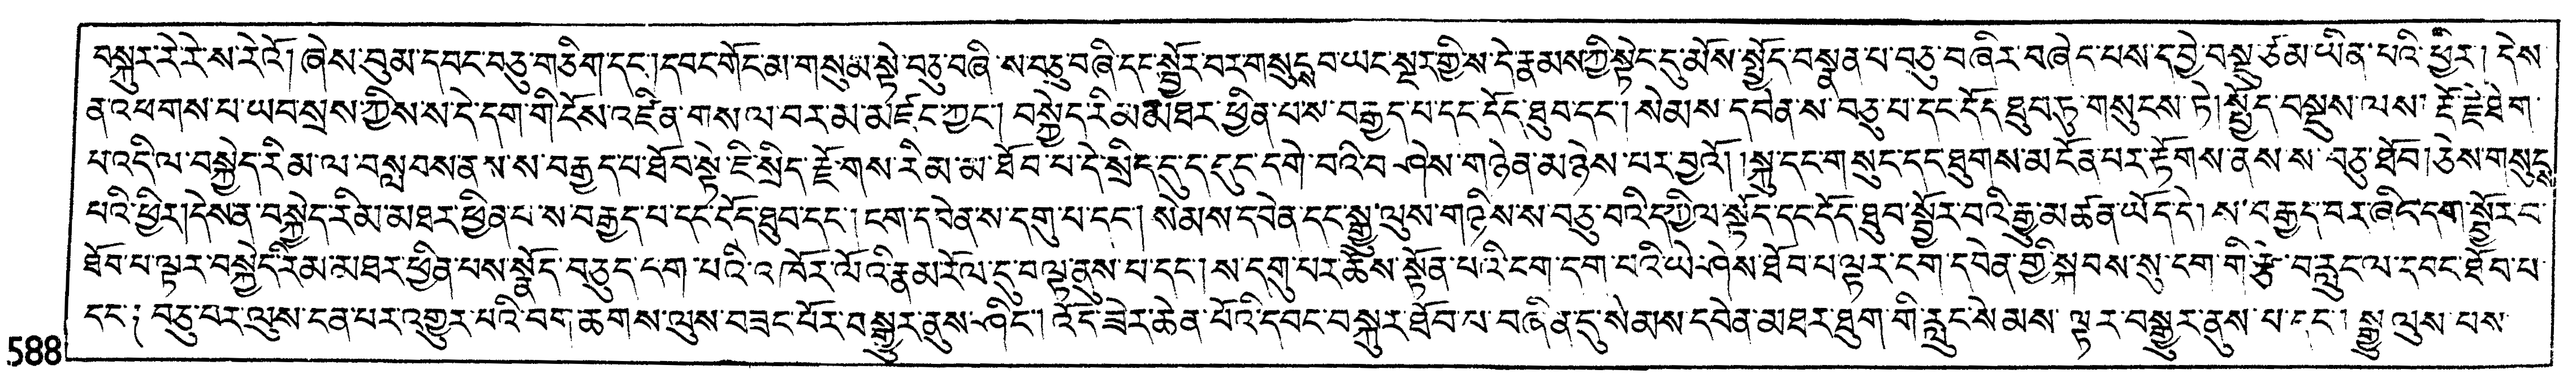བསྐུར་རེ་རེ་ས་རེའོ། །ཞེས་བུམ་དབང་བཅུ་གཅིག་དང་། དབང་གོང་མ་གསུམ་སྟེ་བཅུ་བཞི་ས་བཅུ་བཞི་དང་སྦྱོར་བར་གསུངས་བ་ཡང་སྔར་གྱི་ས་དེ་རྣམས་ཀྱི་སྟེང་དུ་མོས་སྤྱོད་བསྣན་པ་བཅུ་བཞིར་བཞེད་པས་དབྱེ་བསྡུ་ཙམ་ཡིན་པའི་ཕྱིར། དེས་
ན་འཕགས་པ་ཡབ་སྲས་ཀྱིས་ས་དེ་དག་གི་ངོས་འཛིན་གསལ་བར་མ་མཛད་ཀྱང་། བསྐྱེད་རིམ་མཐར་ཕྱིན་པ་ས་བརྒྱད་པ་དང་དོད་ཐུབ་དང་། སེམས་དབེན་ས་བཅུ་པ་དང་དོད་ཐུབ་ཏུ་གསུངས་ཏེ། སྤྱོད་བསྡུས་ལས། རྡོ་རྗེ་ཐེག་
པ་འདི་ལ་བསྐྱེད་རིམ་ལ་བསླབས་ནས་ས་བརྒྱད་པ་ཐོབ་སྟེ་ཇི་སྲིད་རྫོགས་རིམ་མ་ཐོབ་པ་དེ་སྲིད་དུ་ད་དུང་དགེ་བའི་བཤེས་གཉེན་མཉེས་པར་བྱའོ། །སྐུ་དང་གསུང་དང་ཐུགས་མངོན་པར་རྟོགས་ནས་ས་བཅུ་ཐོབ། ཅེས་གསུངས་
པའི་ཕྱིར། དེས་ན་བསྐྱེད་རིམ་མཐར་ཕྱིན་པ་ས་བརྒྱད་པ་དང་དོད་ཐུབ་དང་། ངག་དབེན་ས་དགུ་པ་དང་། སེམས་དབེན་དང་སྒྱུ་ལུས་གཉིས་ས་བཅུ་བའི་དཀྱིལ་སྟོད་དང་དོད་ཐུབ་སྦྱོར་བའི་རྒྱུ་མཚན་ཡོད་དེ། ས་བརྒྱད་བར་ཞིང་དག་སྦྱོར་བ་
ཐོབ་པ་ལྟར་བསྐྱེད་རིམ་མཐར་ཕྱིན་པས་སྣོད་བཅུད་དག་པའི་འཁོར་ལོའི་རྣམ་རོལ་དུ་བལྟ་ནུས་པ་དང་། ས་དགུ་པར་ཆོས་སྟོན་པའི་ངག་དག་པའི་ཡེ་ཤེས་ཐོབ་པ་ལྟར་ངག་དབེན་གྱི་སྐབས་སུ་ངག་གི་རྩེ་བ་རླུང་ལ་དབང་ཐོབ་པ་
དང༑ བཅུ་བར་ལུས་ངན་པར་འགྱུར་པའི་བག་ཆགས་ལུས་བཟང་པོར་བསྒྱུར་ནུས་ཤིང་། འོད་ཟེར་ཆེན་པོའི་དབང་བསྐུར་ཐོབ་པ་བཞིན་དུ་སེམས་དབེན་མཐར་ཐུག་གི་རླུང་སེམས་ལྟར་བསྒྱུར་ནུས་པ་དང་། སྒྱུ་ལུས་པས་